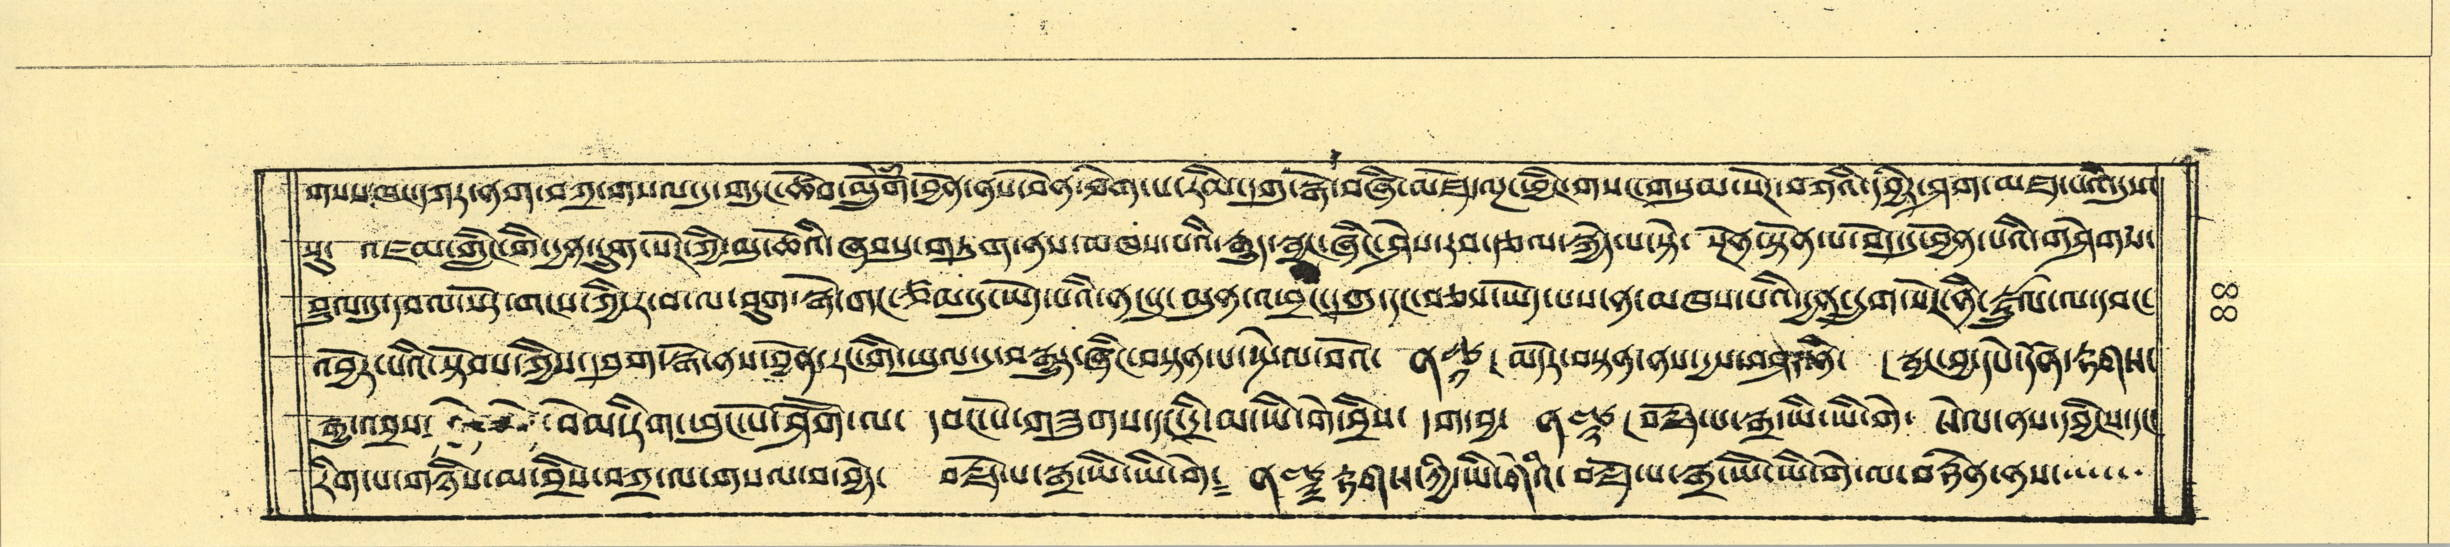གསས་ཁང་དཀར་ནག་བཀྲ་གསལ་དུ་གདུང་འཚོབ་མུ་ཆོ་ལྡེམ་དྲུག་བྱོན་ནས་བོན་ཐེག་པ་རིམ་དགུ་སྒོ་བཞི་མཛོད་ལྔ་ཕྱི་ནང་གསང་གསུམ་སོགས་བཀའི་དབྱེ་ཤག་མཛད་པའི་དུས་
སུ་ འཛམ་གླིང་གི་རྒྱན་དྲུག་སོགས་ཀྱི་མུ་ཆོའི་ཞབས་ཏུ་གཏུག་ནས་མཁས་པའི་རྒྱུད་སྦྱངས་ཤིང་ཤེས་རབ་རྩལ་བསྐྱེད་པ་སྟེ་སྔོན་སྟོན་པ་བོད་དུ་བྱོན་པའི་གཤེགས་
ཤུལ་དུ་དབལ་སོ་གངས་ཀྱི་ར་བ་ལ་བུག་སྒོ་གང་ཙམ་དུ་ཡོད་པའི་ནང་དུ་མུན་འཕྲང་དགུ་དང་བཅས་ཡོད་པས་ན་མཁས་པའི་རྒྱན་དྲུག་སོགས་ནི་རྫུ་འཕྲུལ་ལ་དབང་
འབྱོར་བའི་སྟོབས་ཀྱིས་དབུག་སྒོ་ནས་བོན་རང་གི་ཡུལ་དུ་བསྒྱུར་ཞིང་བསྟན་པ་སྤེལ་བའོ། ན༤༦།༡ མདོར་བསྟན་ནས་རྒྱས་བཤད་ནི། སྦྱང་བྱ་དཔེ་དོན་རྟགས་
རྒྱུ་འབྲས་དབྱེར་མེད་བེམ་རིག་ཕུང་པོ་ཤོག་ཤོག་ལ། དབང་པོ་གཟུགས་དང་དྲི་མ་ཡི་གེ་བྲིས། དག་བྱ་ ན༤༦།༢ བརྗོད་པ་སྒྲ་ཡི་ཡི་གེ་༼སེལ་ནས༽དབྱིངས་དང་
རིག་པ་གཉིས་མ་བྲིས་བཀྲ་ལ་གསལ་བ་བྱེད། བརྗོད་པ་སྒྲ་ཡི་ཡ་གེ་ན༤༦།༣༼རྟགས་ཀྱི་ཡི་གེའི༽བརྗོད་པ་སྒྲ་ཡི་ཡི་གེ་ལ་བརྟེན་ནས་